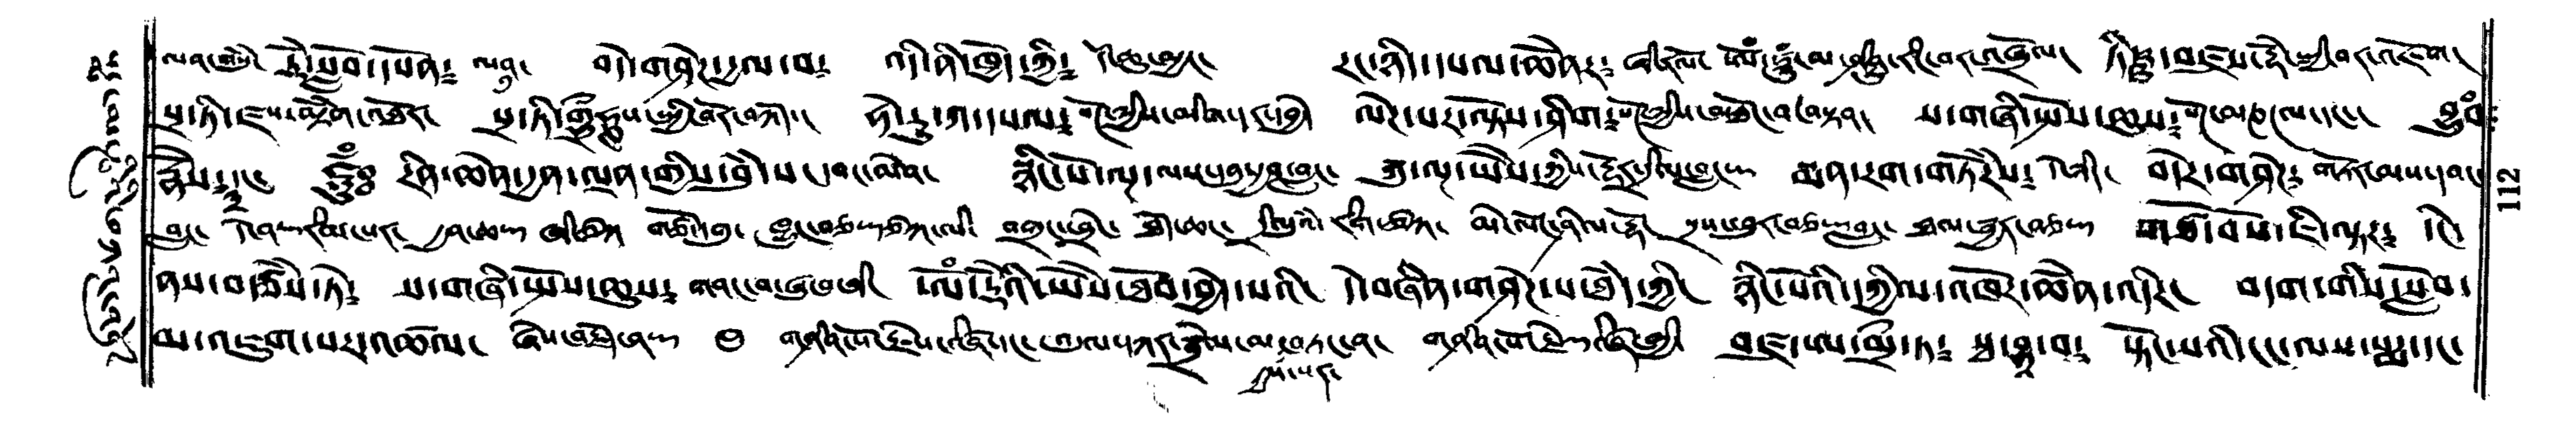༡༡༢༽ ལན་གསུམ། རྡོ་རྗེ་སློབ་དཔོན༴ ལན་གཅིག བདེ་གཤེགས་རྒྱལ་བ༴ འདི་ནི་ཁྱོད་ཀྱི༴ དམ་ཆུ་མྱང་། རང་ཉིད་དཔལ་ཆེན་པོར༴ ཞི་རོལ། ཨོཾ་ཧཱུཾ་མ་ཤིན་ཏུ་རིང་བར་འཁྲོལ། ཏིཥྛ་བཛྲ ས་རྡོ་རྗེ་སྤྱི་བོར་འཇོག 
པྲ་ཏི་ཙས་མེ་ཏོག་འཐོར། པྲ་ཏི་གྷྲྀཧྞས་སྤྱི་བོར་བཀོད། ཧེ་རུ་ཀ་དཔལ༴ སོགས་ཀྱིས་མིག་དར་དབྱེ། ལེགས་པར་ལྟོས་ཤིག༴ སོགས་ཀྱིས་མཐོང་བ་བསྟན། ས་གཞི་སྤོས་ཆུས༴ སོགས་མཎྜལ་དང་། བྱང་ཆུབ་
རྣམས༴ དང་། ཧཱུྃ། རིན་ཆེན་རྒྱན་ལྡན་བུམ་པ༴ དབང་ཆེན། སྙིང་པོ་ལྔ་ལས༴ དབུ་རྒྱན་བླང་། སྐུ་ལྔ་ཡེ་ཤེས༴ ཀྱིས་རྡོར་དྲིལ་བླང་། སྨན་རག་གཏོར་མས༴ དེ་ཉིད། བདེ་བར་གཤེགས༴ གཏོར་མའི་དབང་
བླང་། དེ་ནས་རིམ་པར། རྒྱན་ཆས། ཞི་ཙཀ། གཙོ་དགུ། ཁྱུང་བཅས་ཙཀ་ལི། བགྲང་ཕྲེང་། ཐོད་ཆང་། དྲིལ་བུའམ་རིག་ཙཀ མེ་ལོང་ཤེལ་རྡོ། སྲས་ཕུར་བཅས་བླང་། ཐལ་སྦྱར་བཅས། གཙོ་བོས་ཇི་ལྟར༴ དེང་
ནས་བརྩམས་ཏེ༴ ས་གཞི་སྤོས་ཆུས༴ གནང་བ་ཞུ་བ་ནི། ཨོཾ། རྡོ་རྗེའི་ཡེ་ཤེས་ཐོབ་བྱེད་པའི། །དེ་བཞིན་གཤེགས་པ་ཐམས་ཅད་ཀྱི། །སྙིང་པོའི་དཀྱིལ་འཁོར་ཆེན་པོ་འདིར། །བདག་གི་སློབ་
མ་འཇུག་པར་འཚལ། ཞེས་བརྗོད་ནས། གཤིན་པོ་རྗེས་འཛིན་དང་། འདུལ་དཀར་སྦྲེལ་མ་རྒྱས་པར་བཏང་ན། གཤིན་པོ་རྗེས་འཛིན་གྱི། བཛྲ་ཨ་མྲྀ་ཏ༴ སྭ་བྷཱ་བ༴ སྟོང་པའི་ངང་ལས་པདྨ་དང་